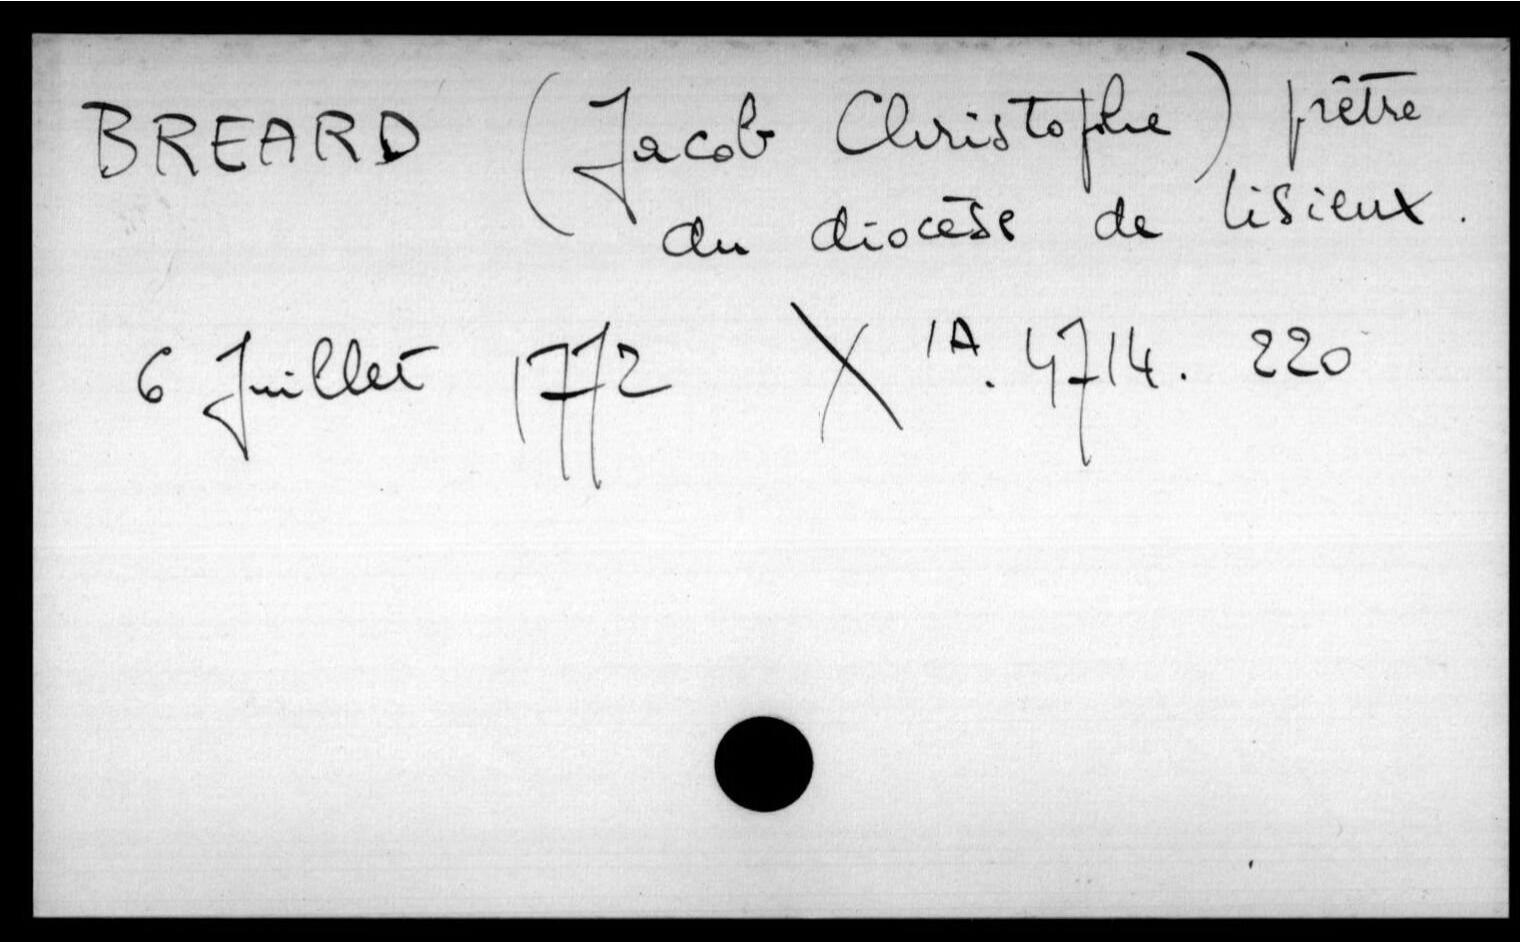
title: BREARD (Jacob Christophe), prêtre du diocèse de Lisieux
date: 6 juillet 1772
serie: X1A
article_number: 4714
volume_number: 220
